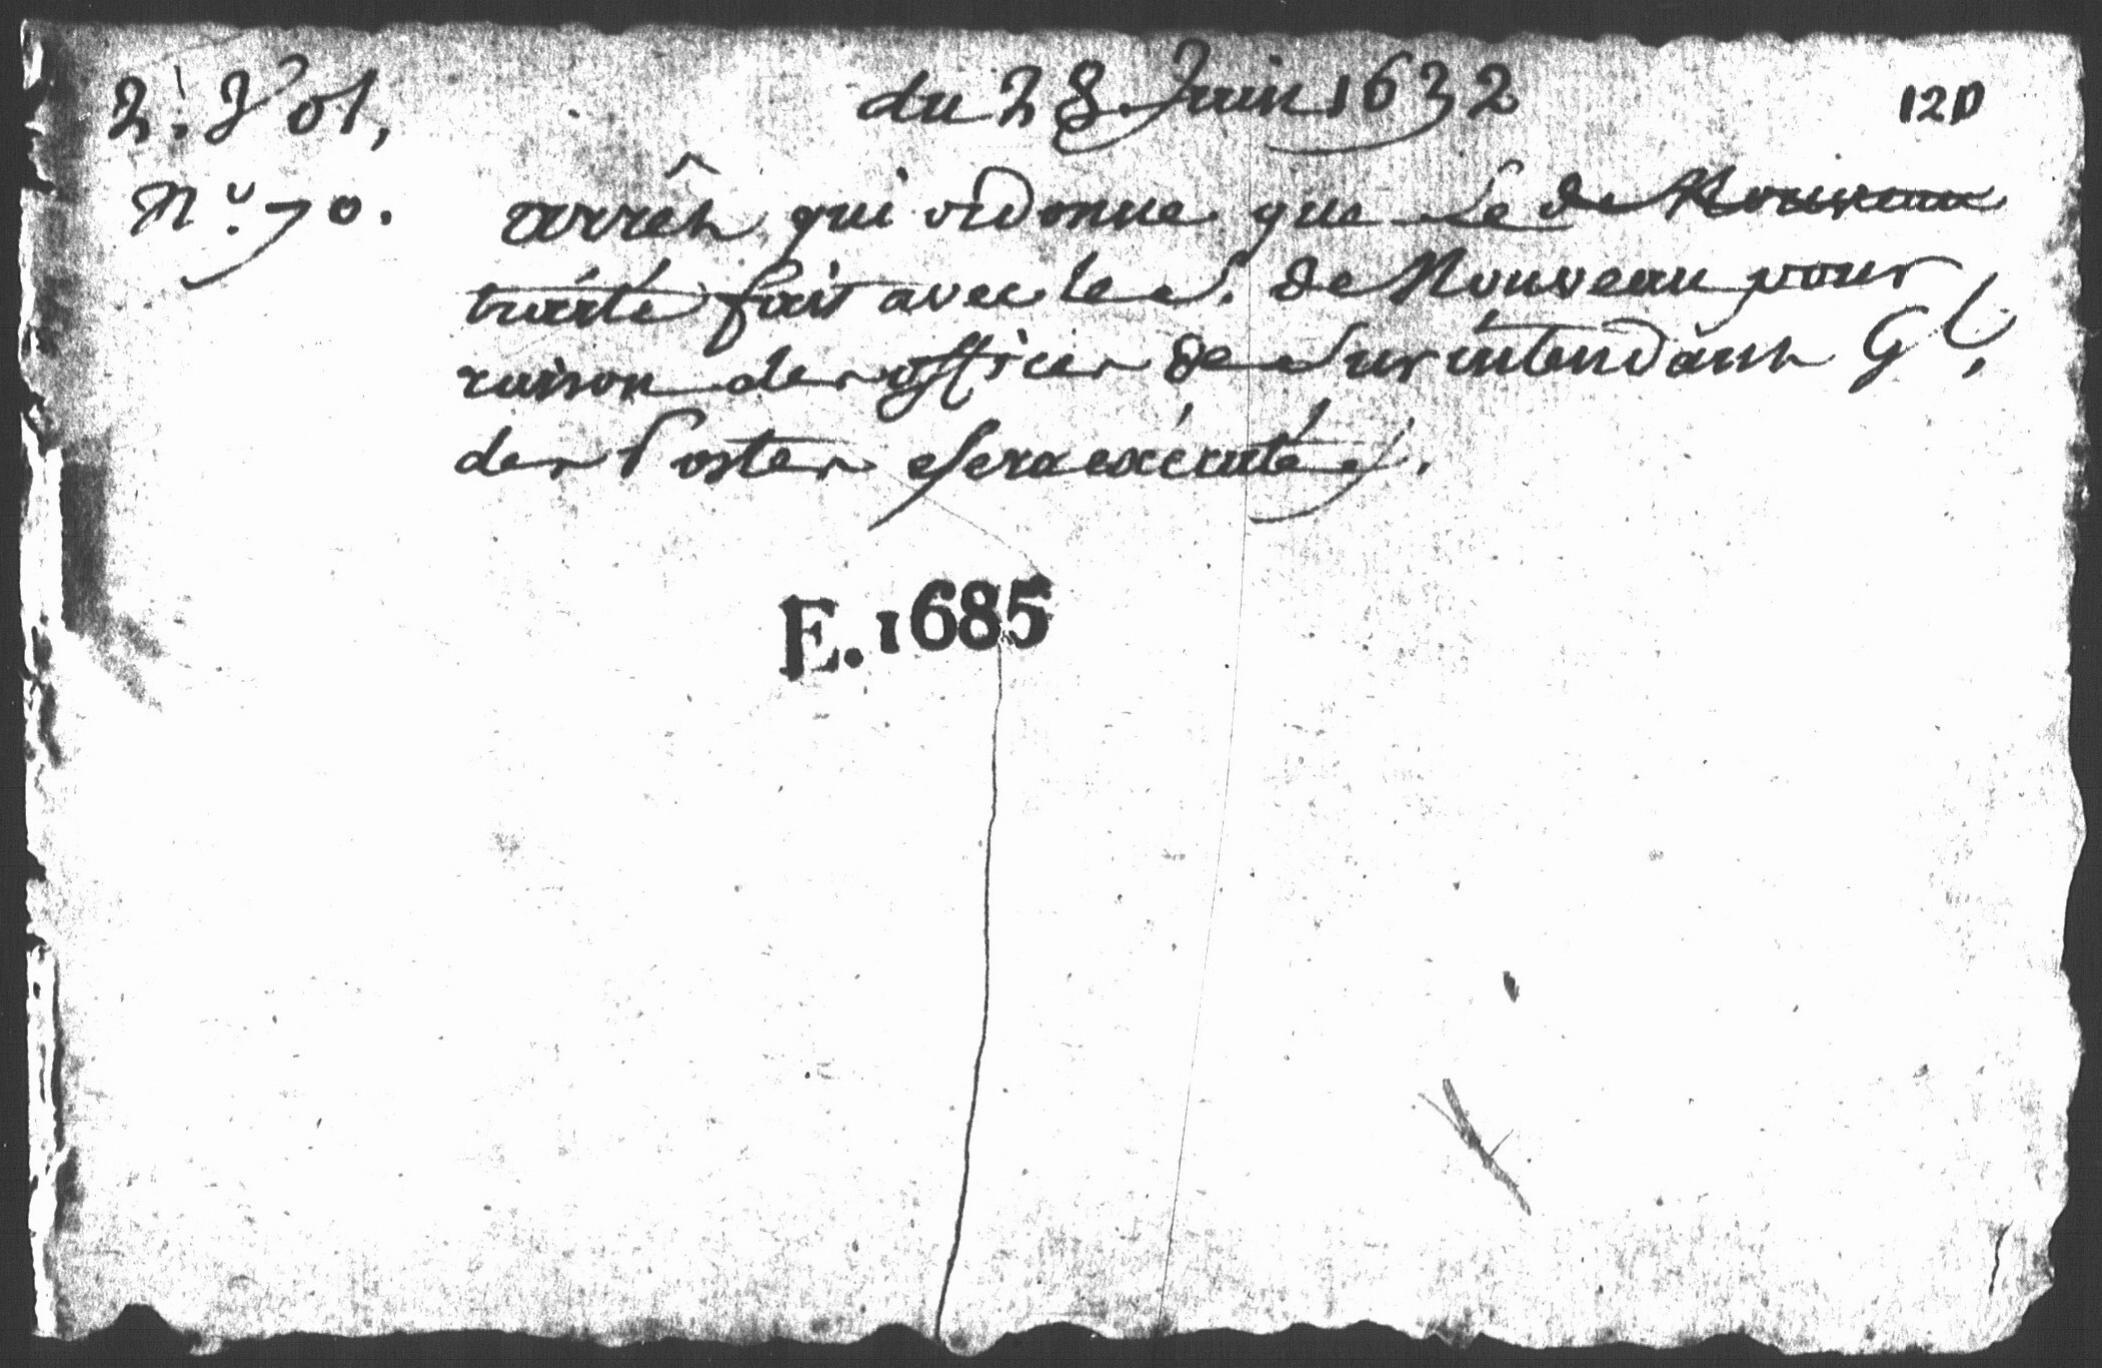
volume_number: n°70
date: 28 juin 1632
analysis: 120
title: Arrêt qui ordonne que le [de Nouveaux, barré] traité fait avec le S. de Nouveau pour raison des offices de surintendant G.l des Postes sera exécuté.
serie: E
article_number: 1685
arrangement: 2. vol.
